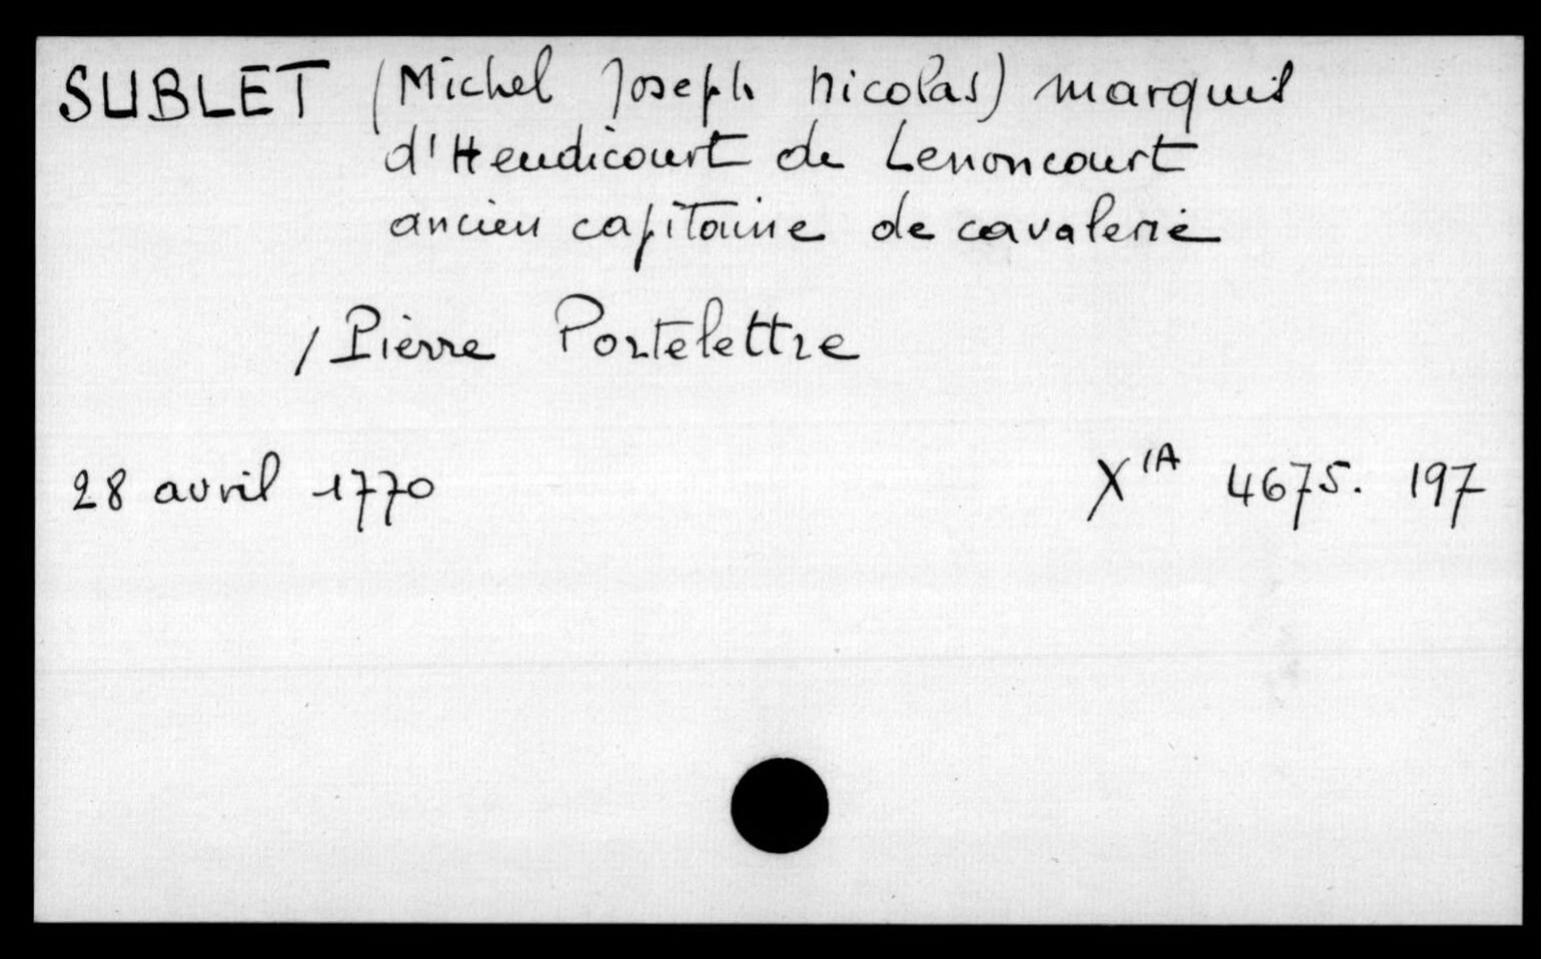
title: SUBLET (Michel Joseph Nicolas) marquis d'Heudicourt de Lenoncourt ancien capitaine de cavalerie
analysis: Contre Pierre Portelettre
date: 28 avril 1770
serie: X1A
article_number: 4675
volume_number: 197
